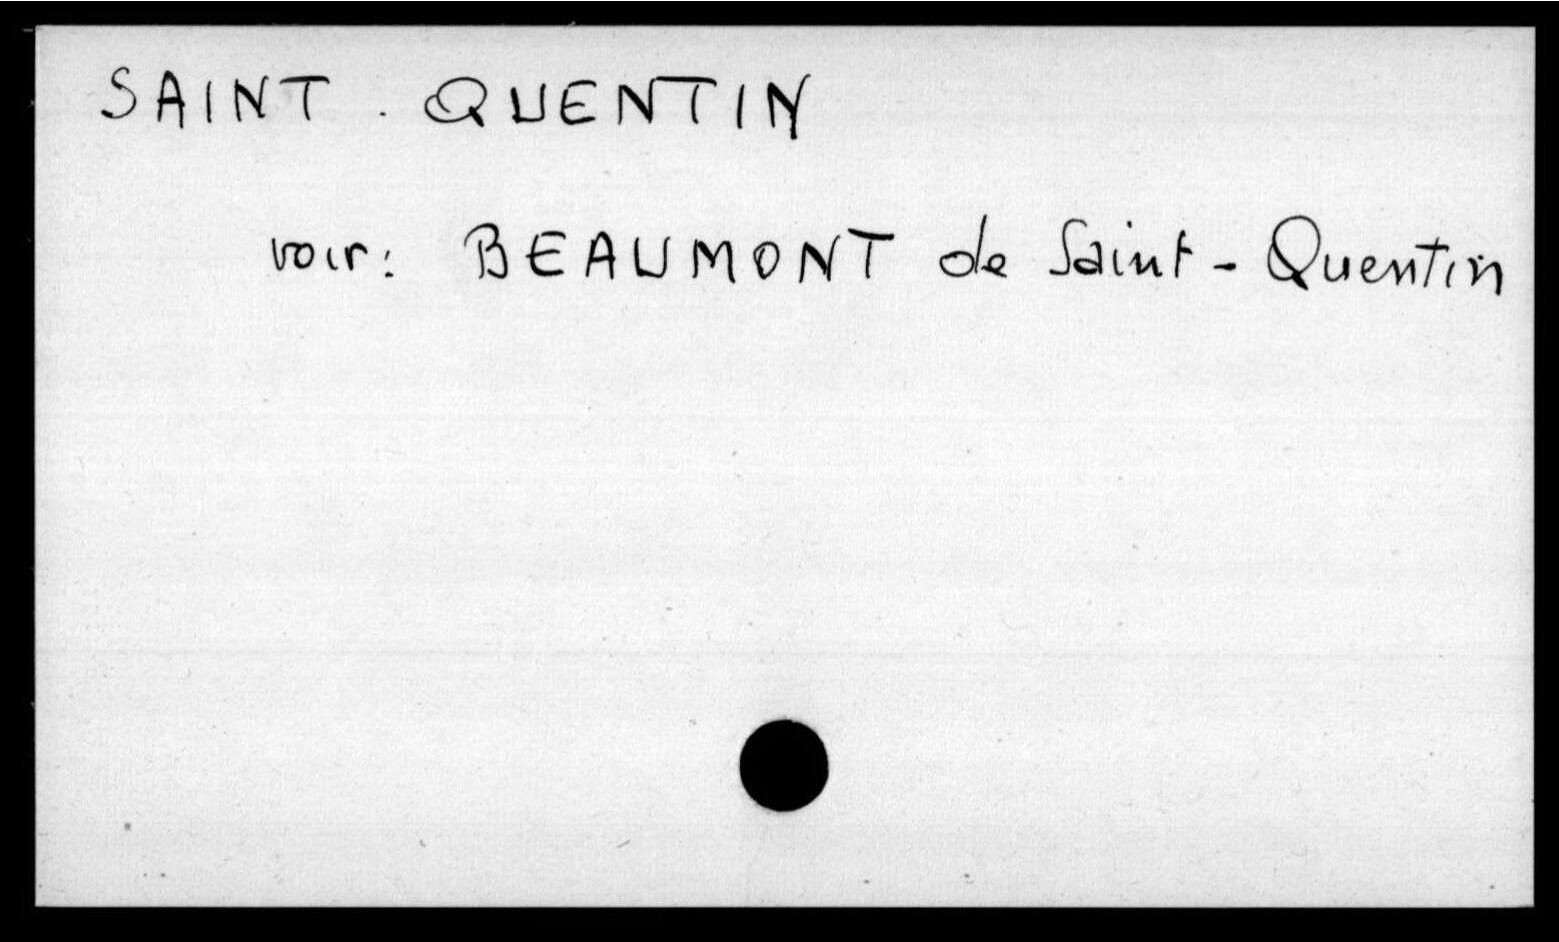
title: SAINT-QUENTIN
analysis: Voir : BEAUMONT de Saint-Quentin
